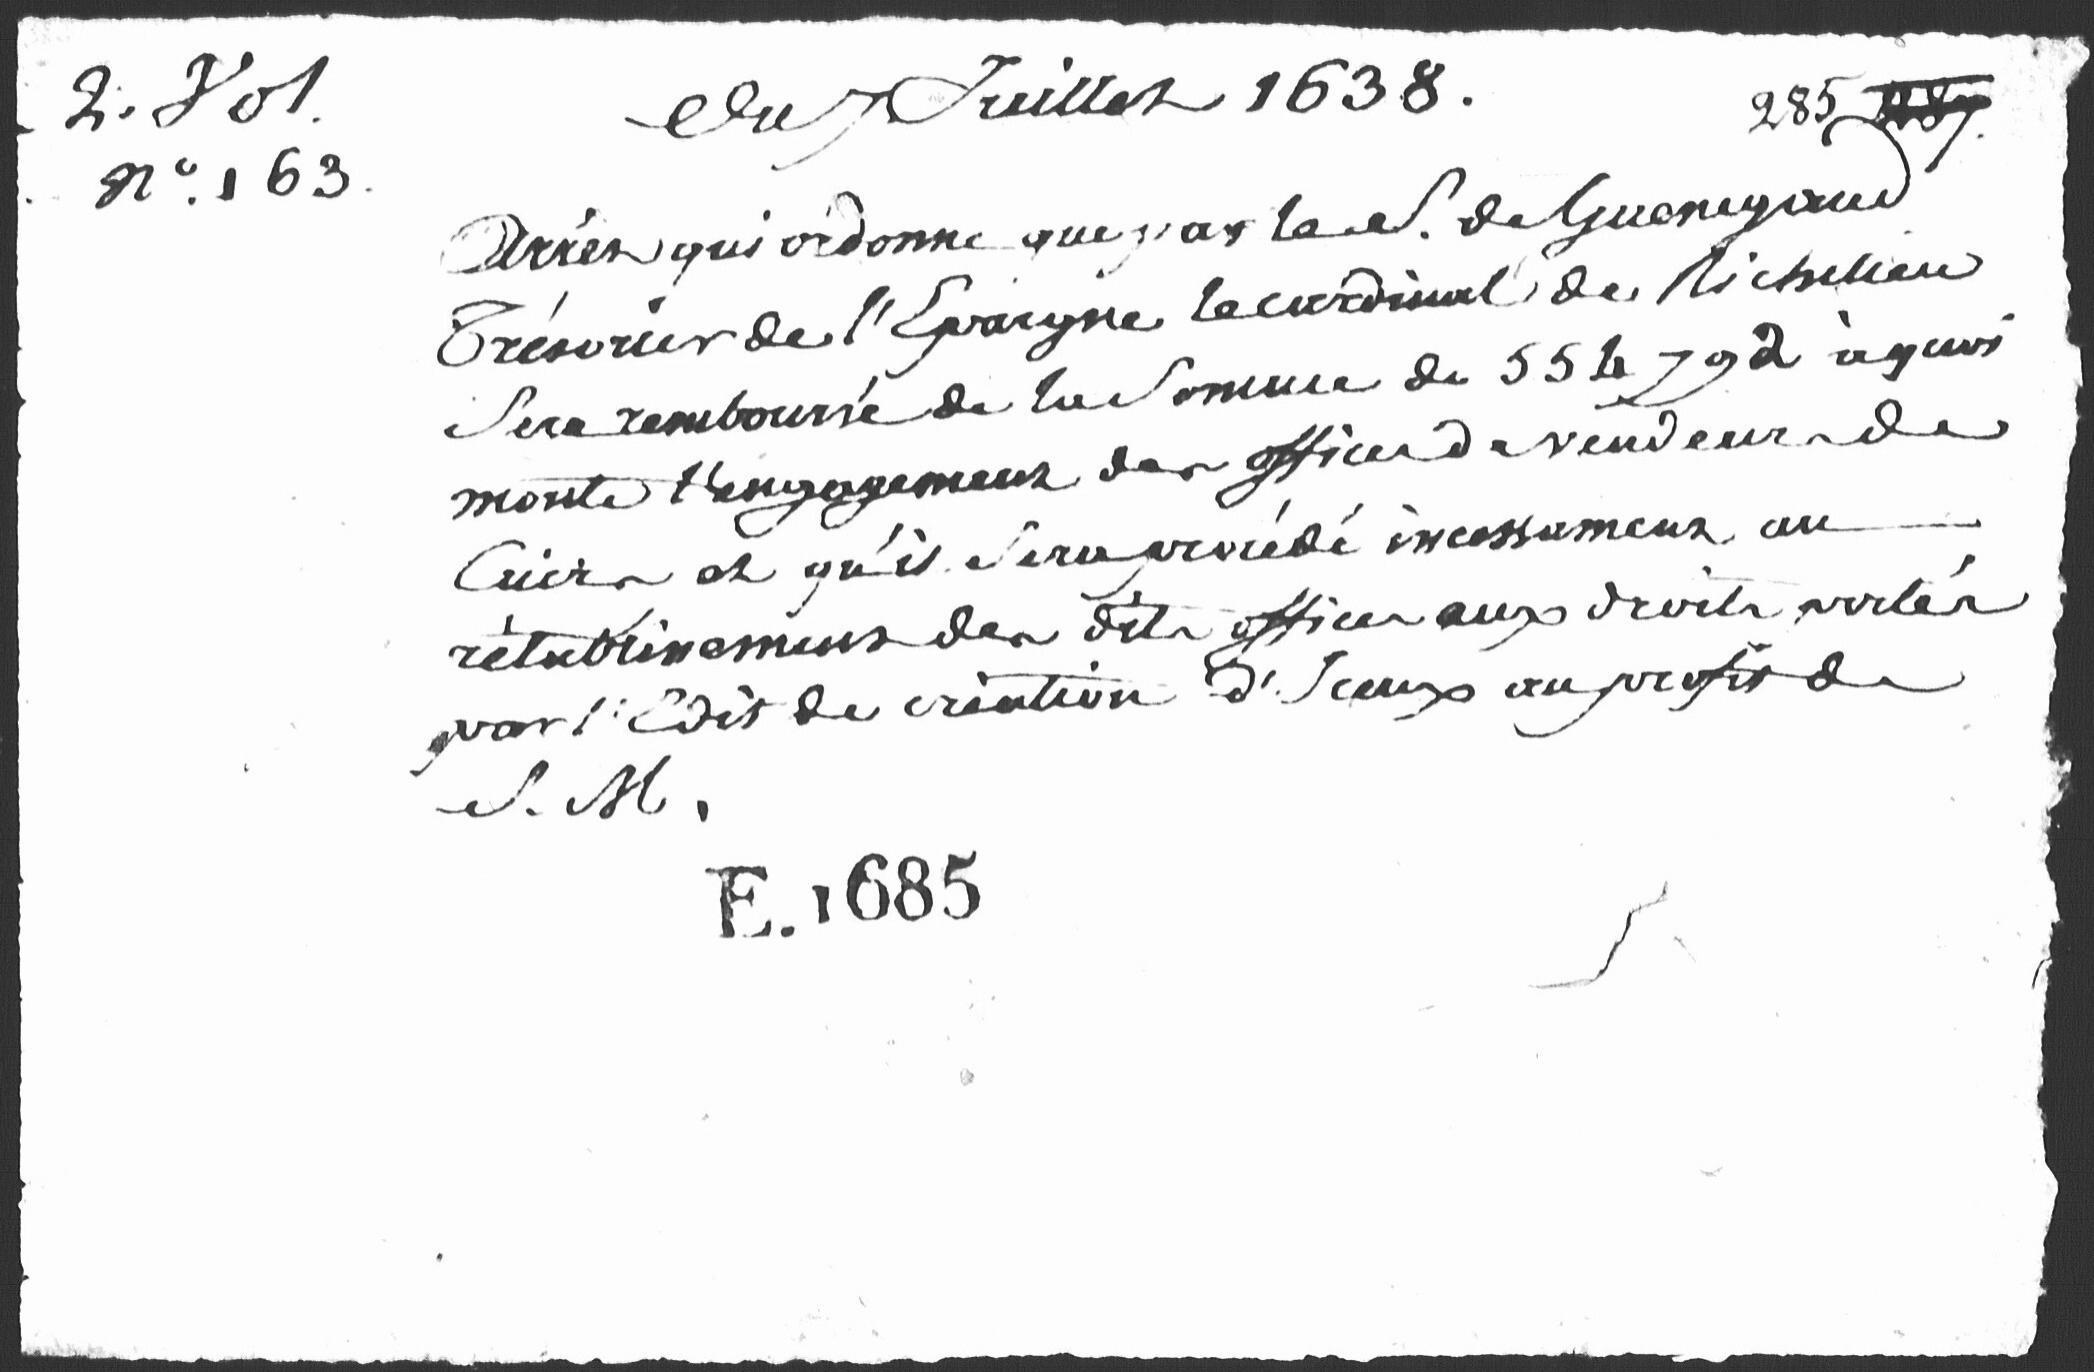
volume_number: n°163
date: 7 juillet 1638
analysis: [287 barré] 285
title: Arrêt qui ordonne que par le S. de Guenegaud Trésorier de l'Epargne, le cardinal de Richelieu sera remboursé de la somme de 554792 à quoi monte l'engagement des offices de vendeurs de cuirs et qu'il sera procédé incessament au rétablissement des dits offices aux droits portés par l'Edit de création d'iceux au profit de S. M.
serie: E
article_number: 1685
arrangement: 2. vol.
